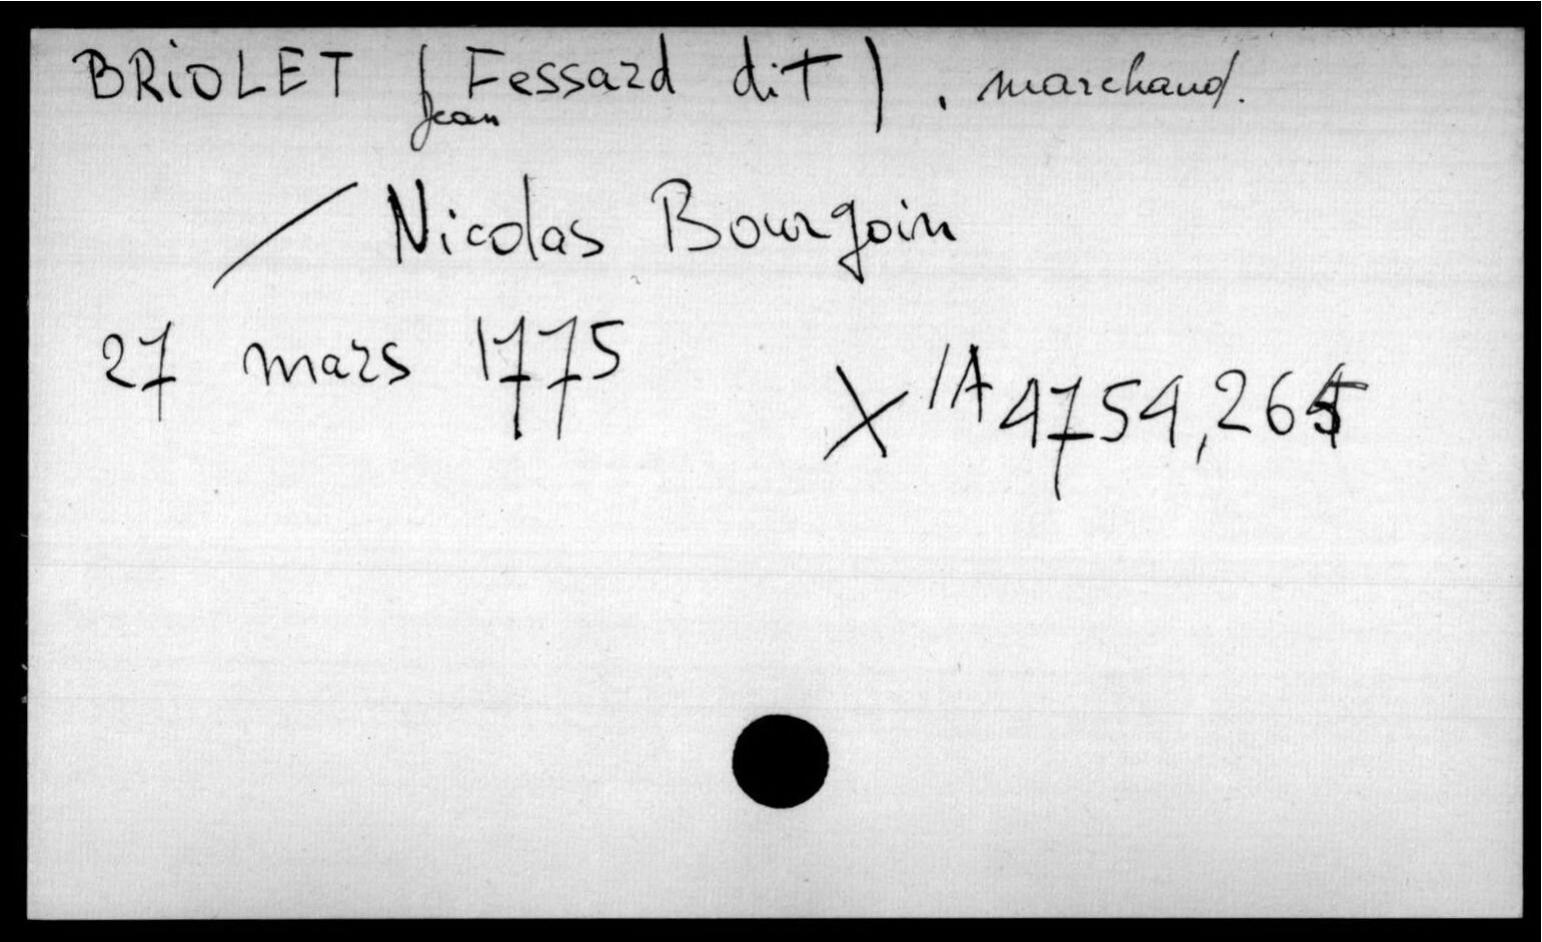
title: BRIOLET (Fessard dit), Jean, marchand
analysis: Contre Nicolas Bourgoin
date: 27 mars 1775
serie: X1A
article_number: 4754
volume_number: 265
